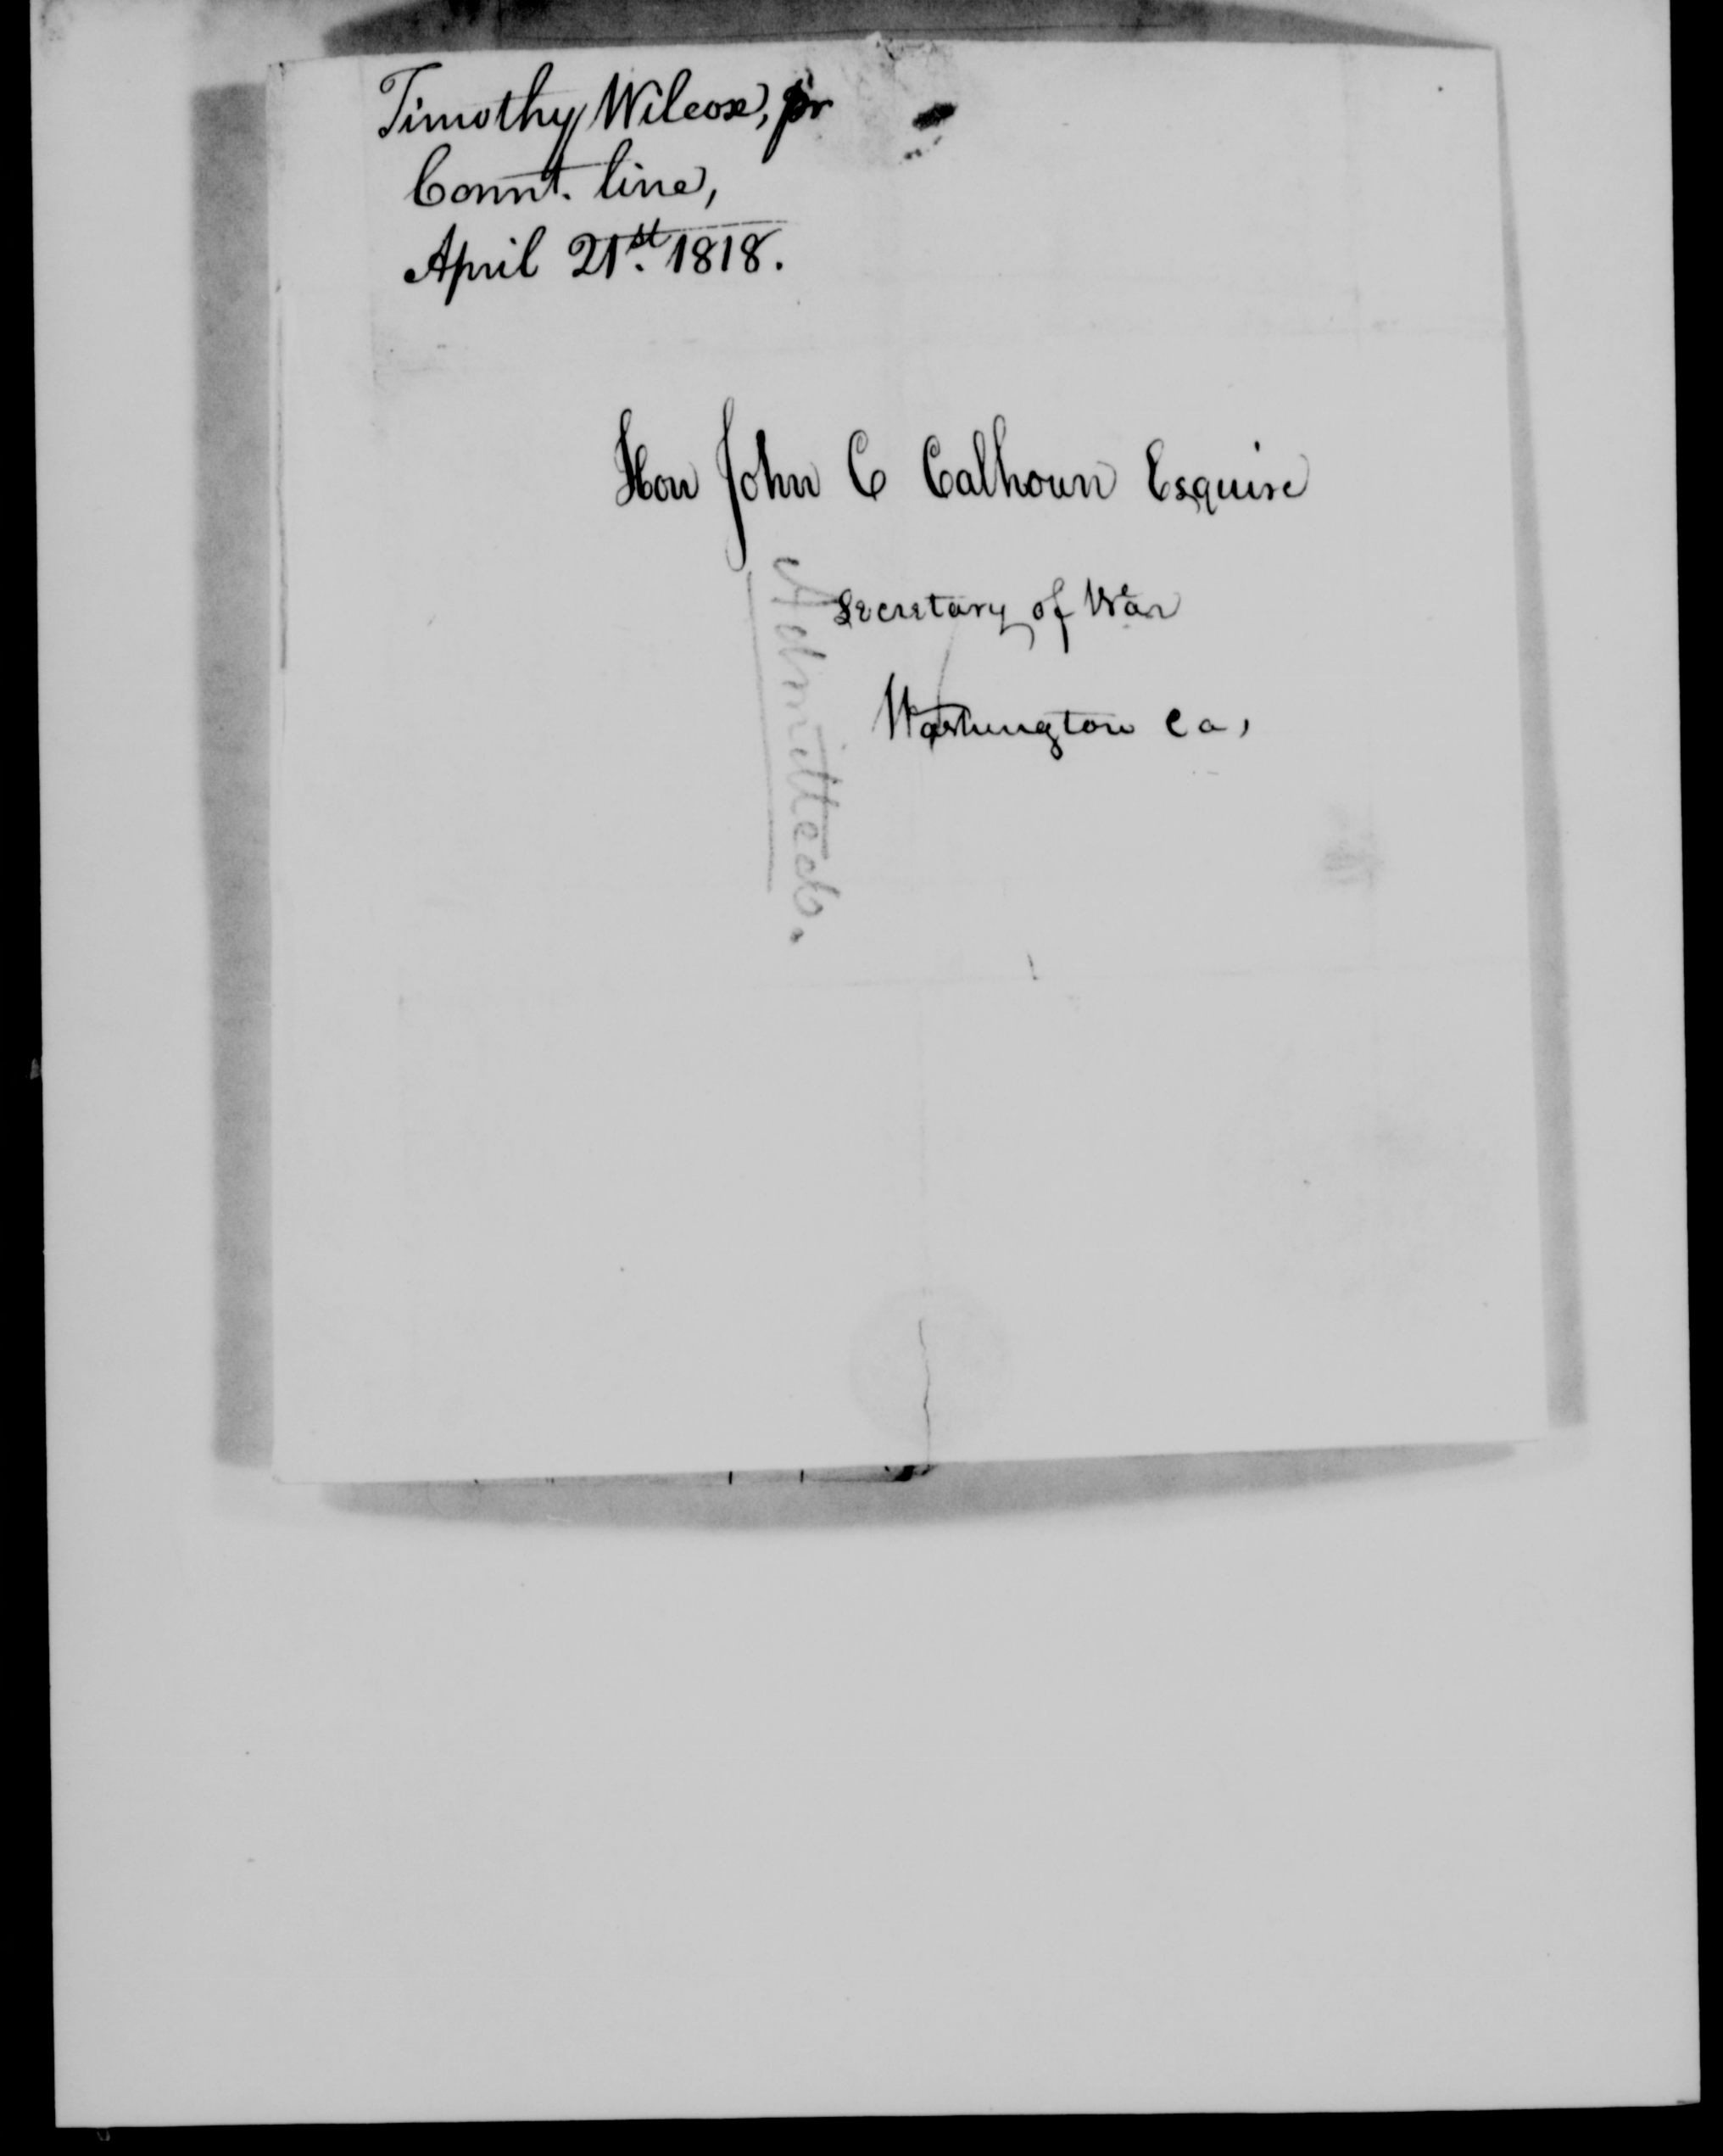Timothy Wilcox, pr
Conn. line, 
April 21st 1818

Hon John C Calhoun Esquire
Secretary of War
Washington Co.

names: Timothy Wilcox, John C Calhoun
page: 5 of 15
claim: survivor's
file: S. 41336, Timothy Willcox, Conn. Continental